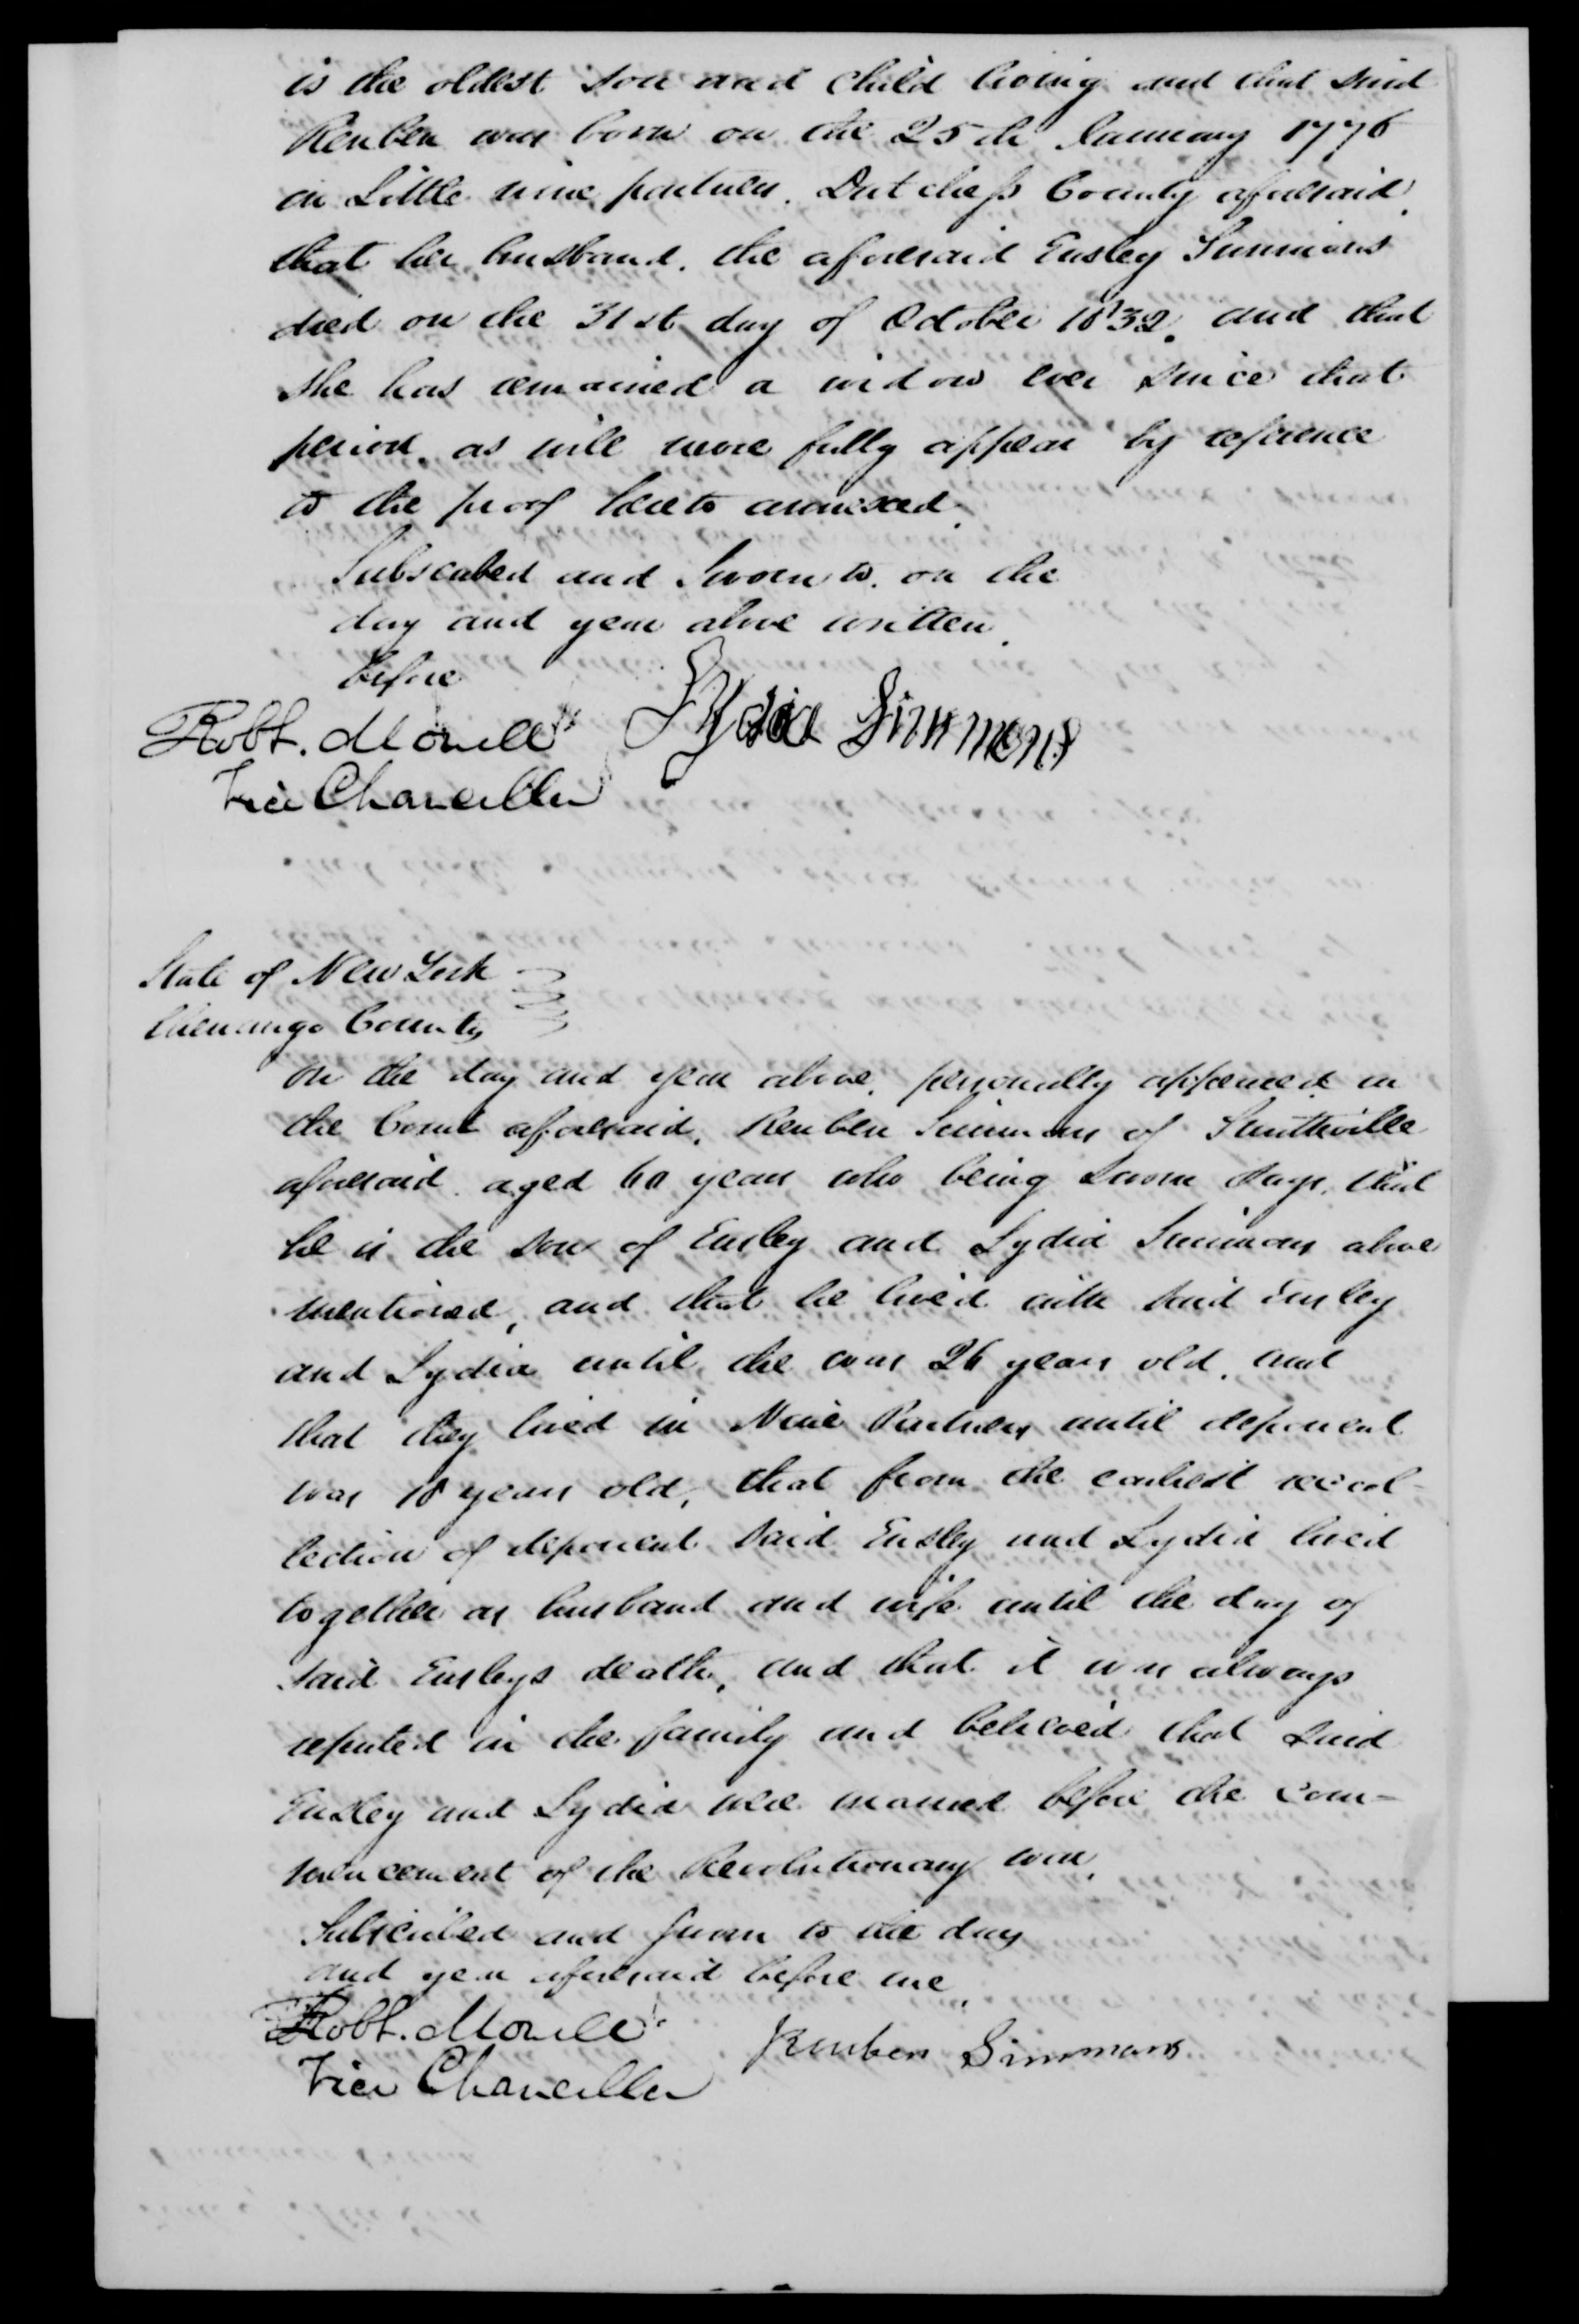is the oldest son and child [illegible] and that said Reuben was born on the 25th January 1776 in Little Nine [illegible], Dutchess County aforesaid. That her husband, the aforesaid Ensley Simmons died on the 31st day of October 1832, and that she has remained a widow ever since that period as will more fully appear by reference to the proof hereto annexed.
Subscribed and sworn to on the day and year above written. Lydia Simmons
Before Robt. Morrell, Vice Chanceller

State of New York, Chenango County 
On the day and year above, personally appeared in the Court aforesaid, Reuben Simmons of Paintville aforesaid, aged 60 years who being sworn says that he is the son of Ensley and Lydia Simmons above mentioned, and that he lived with said Ensley and Lydia until the [illegible] 26 years old and that they lived in Nine Partners until deponent was 18 years old, that from the earliest recollection of deponent said Ensley and Lydia lived together as husband and wife until the day of said Ensleys death,, and that it was always reputed in the family and believed that said Ensley and Lydia were married before the commencement of the Revolutionary war.
Subscribed and sworn to the day and year aforesaid before me.
Reuben Simmons
Robt. Morrell, Vice Chanceller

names: Reuben [BLANK]; Lydia [BLANK]; Ensley [BLANK]; Lydia [BLANK]; Ensley [BLANK]; Ensley Simmons; Reuben Simmons; Ensley [BLANK]; Robt Morrell; Lydia [BLANK]; Lydia Simmons; Ensley Simmons; Robt Morrell; Ensley [BLANK]; Reuben Simmons; Lydia Simmons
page: 14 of 29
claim: widow's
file: W. 19,032, for Ensley Simmons, New York